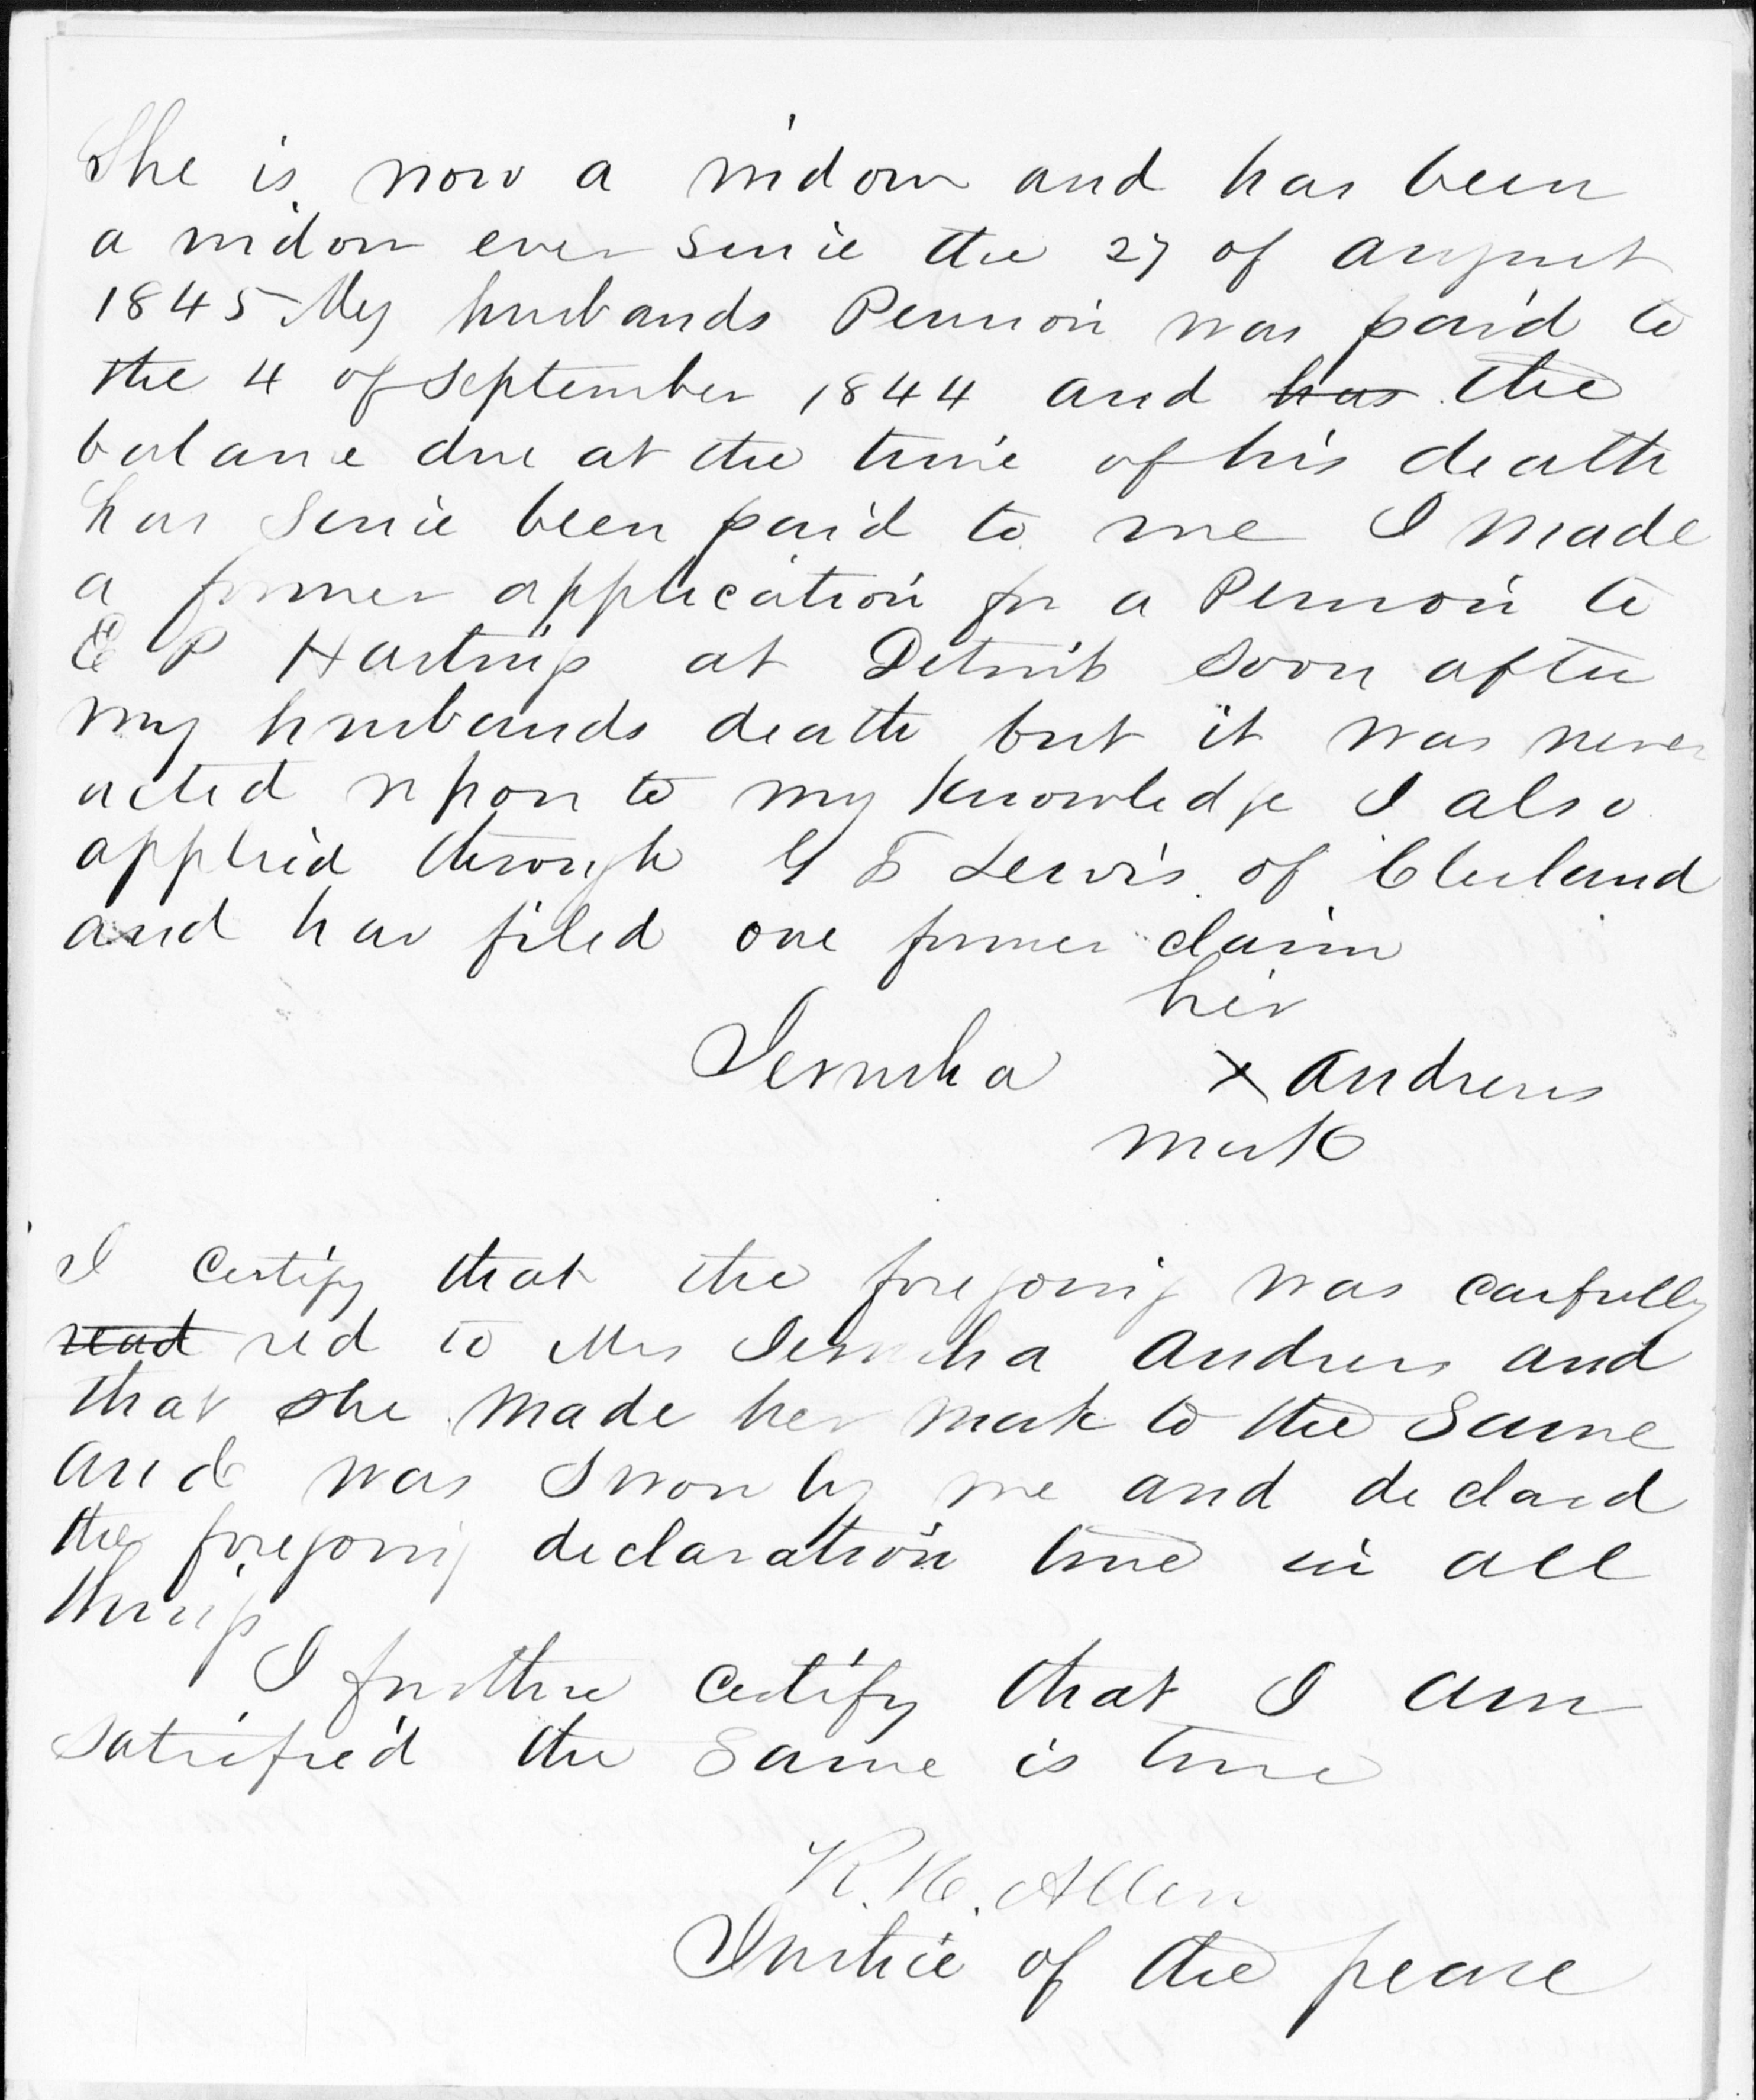She is now a widow and has been
a widow ever since the 27 of August
1845 My husbands pension was paid to
the 4 of September 1844 and the
balance due at the time of his death
has since been paid to me I made
a former application for a Pension to
E. P. Hastings at Detroit Soon after
my husbands death but it was never
acted upon to my knowledge I also
applied through G F Lewis of Cleveland
and has filed one former claim
Jerusha Andrews
her X Mark
I Certify that the foregoing was carfully
red to Mrs Jerusha Andrews and
that she made her mark to the same
and was sworn by me and declard
the foregoing declaration line in all
things
I further certify that I am Satisfied the same is true
R. H. Allen
Justice of the peace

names: R H Allen, G F Lewis, Jerusha Andreus, Jerusha Andrus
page: 35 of 78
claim: widow's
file: W. 4117, Nathaniel Bradley, Conn.